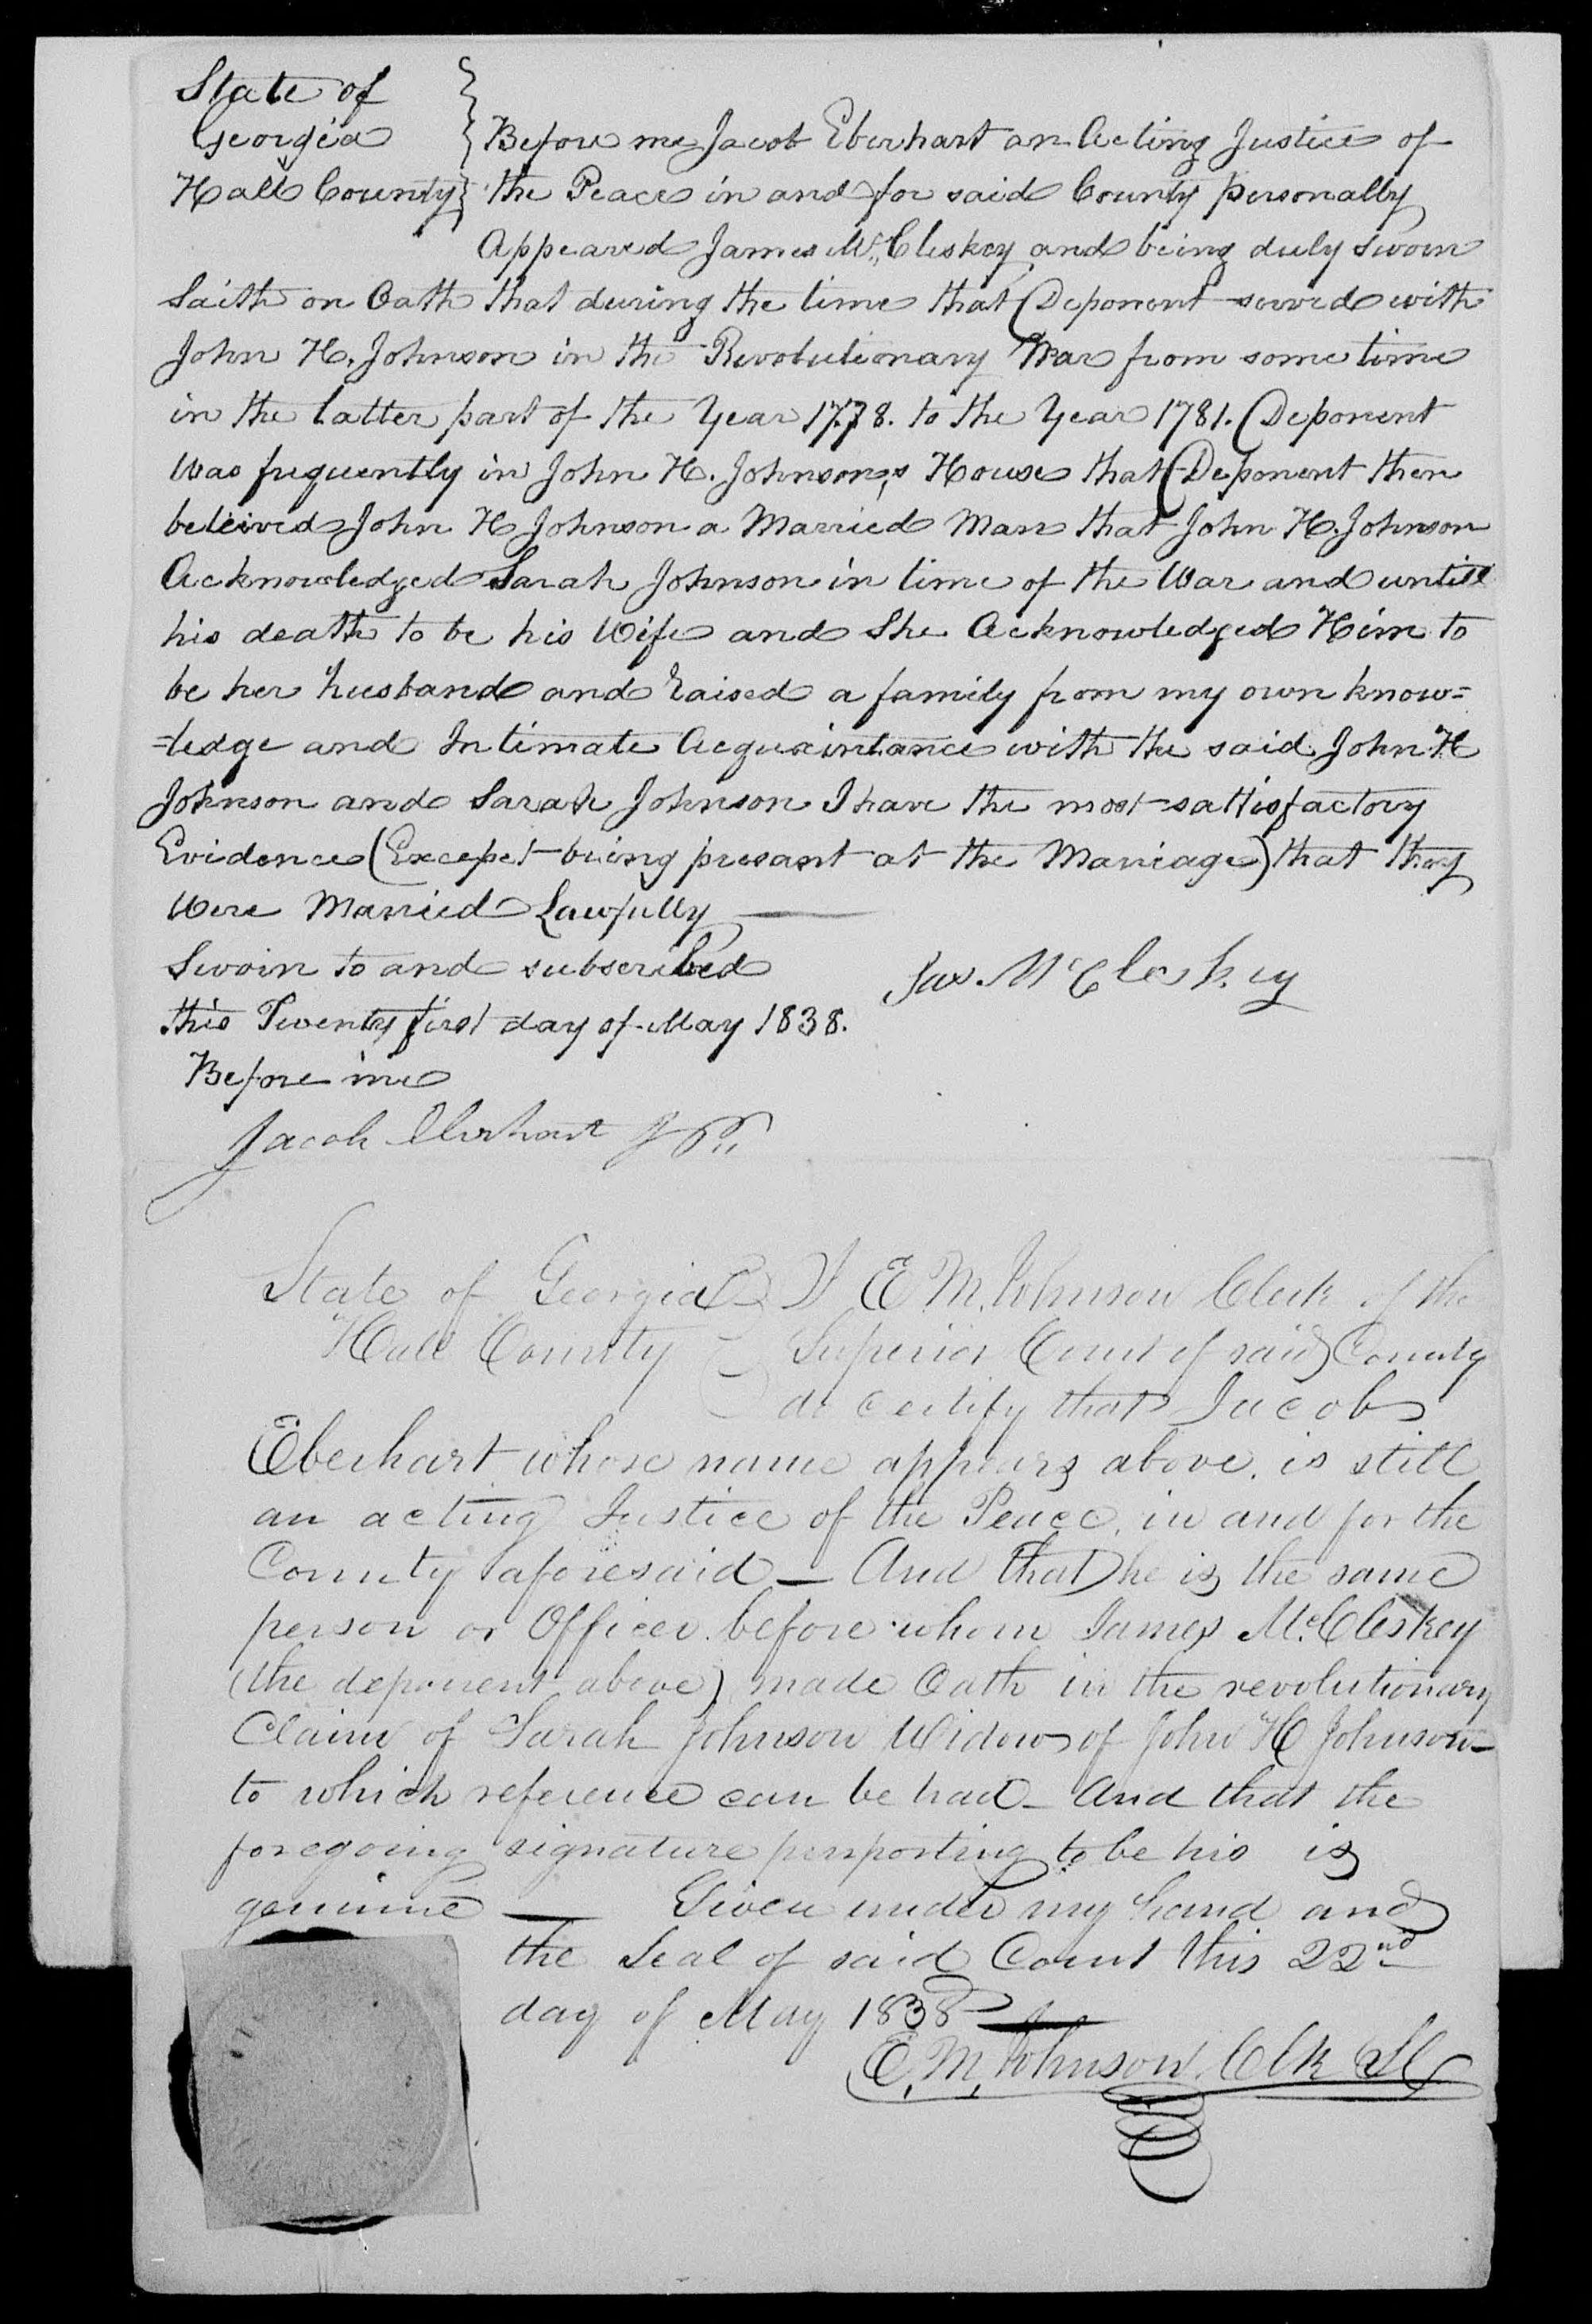State of Georgia }
Hall County }
Before me Jacob Eberhart an Acting Justice of the Peaces in and for said County personally appeared James McCleskey and being duly sworn Saith on Oath that during the time that Deponent served with John H. Johnson in the Revolutionary War from some time in the latter part of the year 1778. to the year 1781. Deponent was frequently in John H. Johnson House that Deponent then believed John H Johnson a Married Man that John H. Johnson Acknowledged Sarah Johnson in time of the War and untill his death to be his wife and She Acknowledged Him to be her husband and raised a family from my own knowledge and Intimate Acquaintences with the said John H Johnson and Sarah Johnson I have the most sattisfactory Evidence (Except being present at the Marriage) that they were married Lawfully -

Sworn to and subscribed this Twenty first day of May 1838. Before me 
S/Jacob Eberhart J.P..
S/Jas. McCleskey


State of Georgia }
Hall County }
I E. M. Johnson Clerk of the Superior Court of said County do certify that Jacob Eberhart whose name appears above, is still  an acting Justice of the Peace, in and for the County aforesaid - And that he is the same person or Officer before whom James McCleskey (the deponent above) made Oath in the revolutionary Claim of Sarah Johnson Widow of John H Johnson to which reference can be had - And that the foregoing signature purporting to be his is genuine - Given under my hand and the Seal of said Court this 22nd day of May 1838 -
[seal]
S/E, M, Johnson. Clk SC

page: 26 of 26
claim: widow's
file: W. 4464, for John H Johnson, Georgia